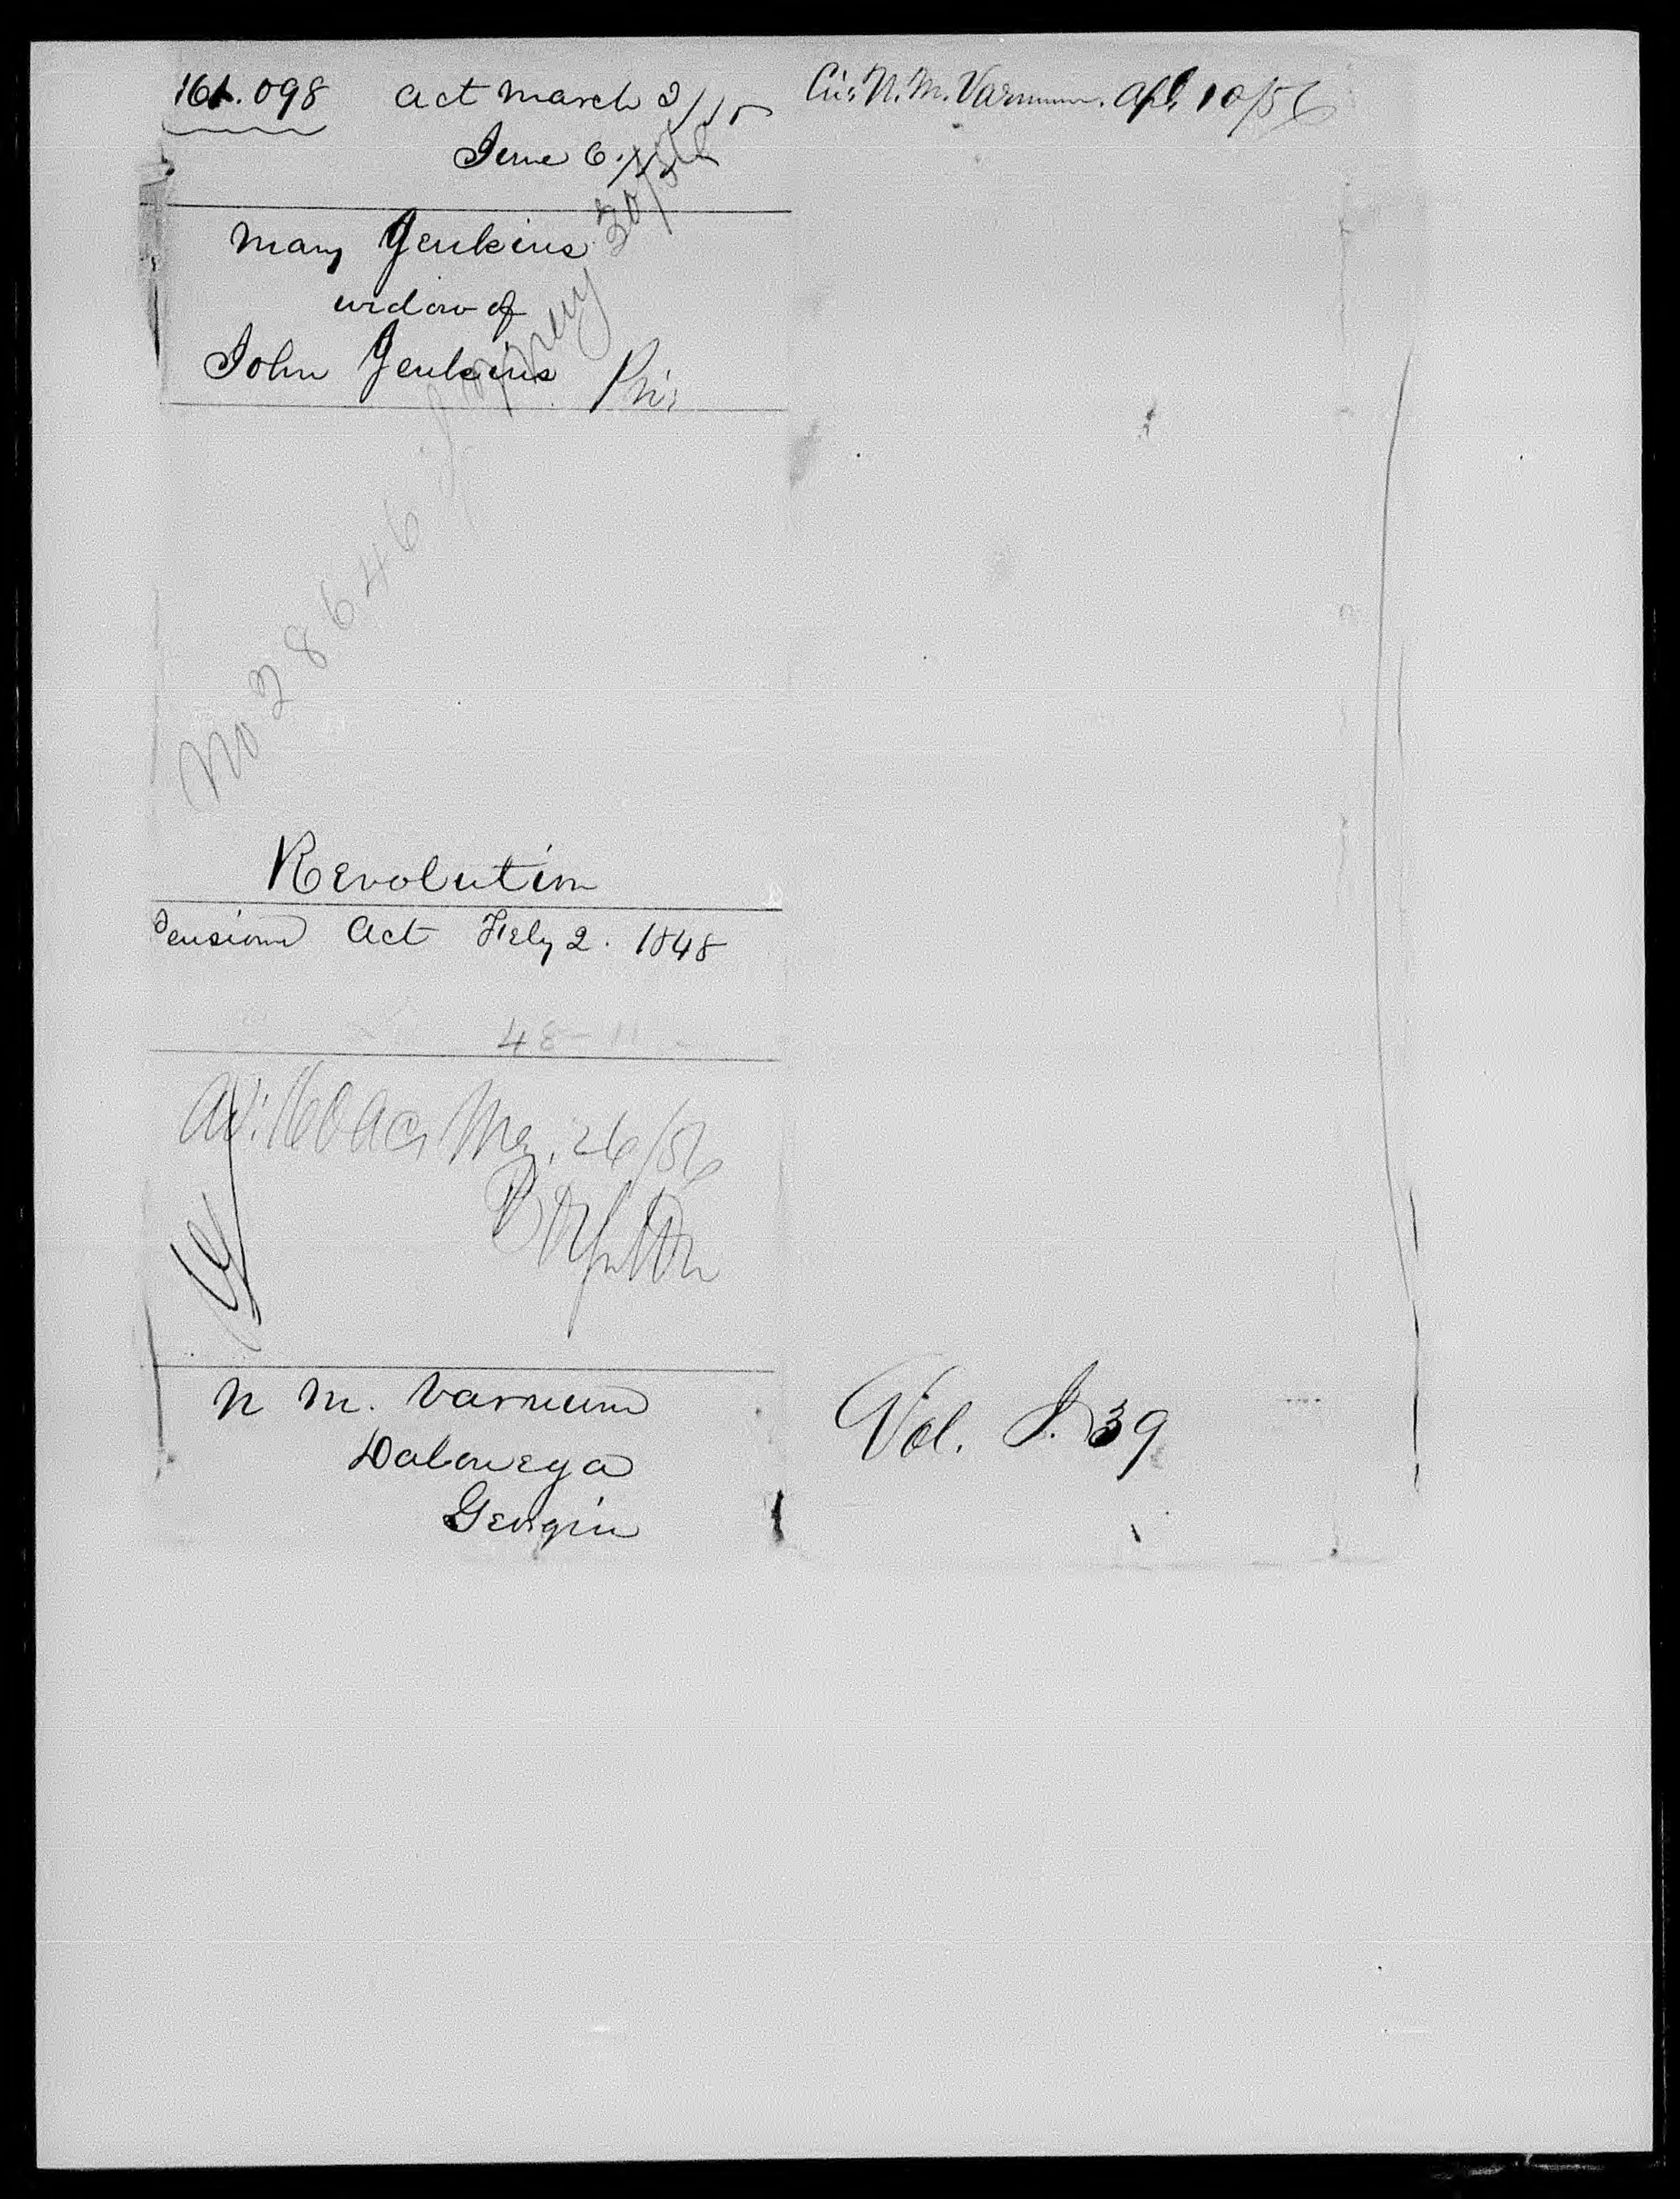161.098 Act March 2/[illegible]
Jun 6/[illegible]
Mary Jenkins
widow of
John Jenkins Pri.
Revolution
Pension Act Feby 2. 1848
48-11
W:160[illegible] 26/56
[illegible]
N M. Varnum
Dalonega [Dahlonega]
Georgia
[*No 28646 May 30/56*]
[illegible] N. M. Varnum, Apl 10/56
Vol. S. 39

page: 2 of 55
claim: widow's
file: W. 7894, for John Jenkins, Virginia